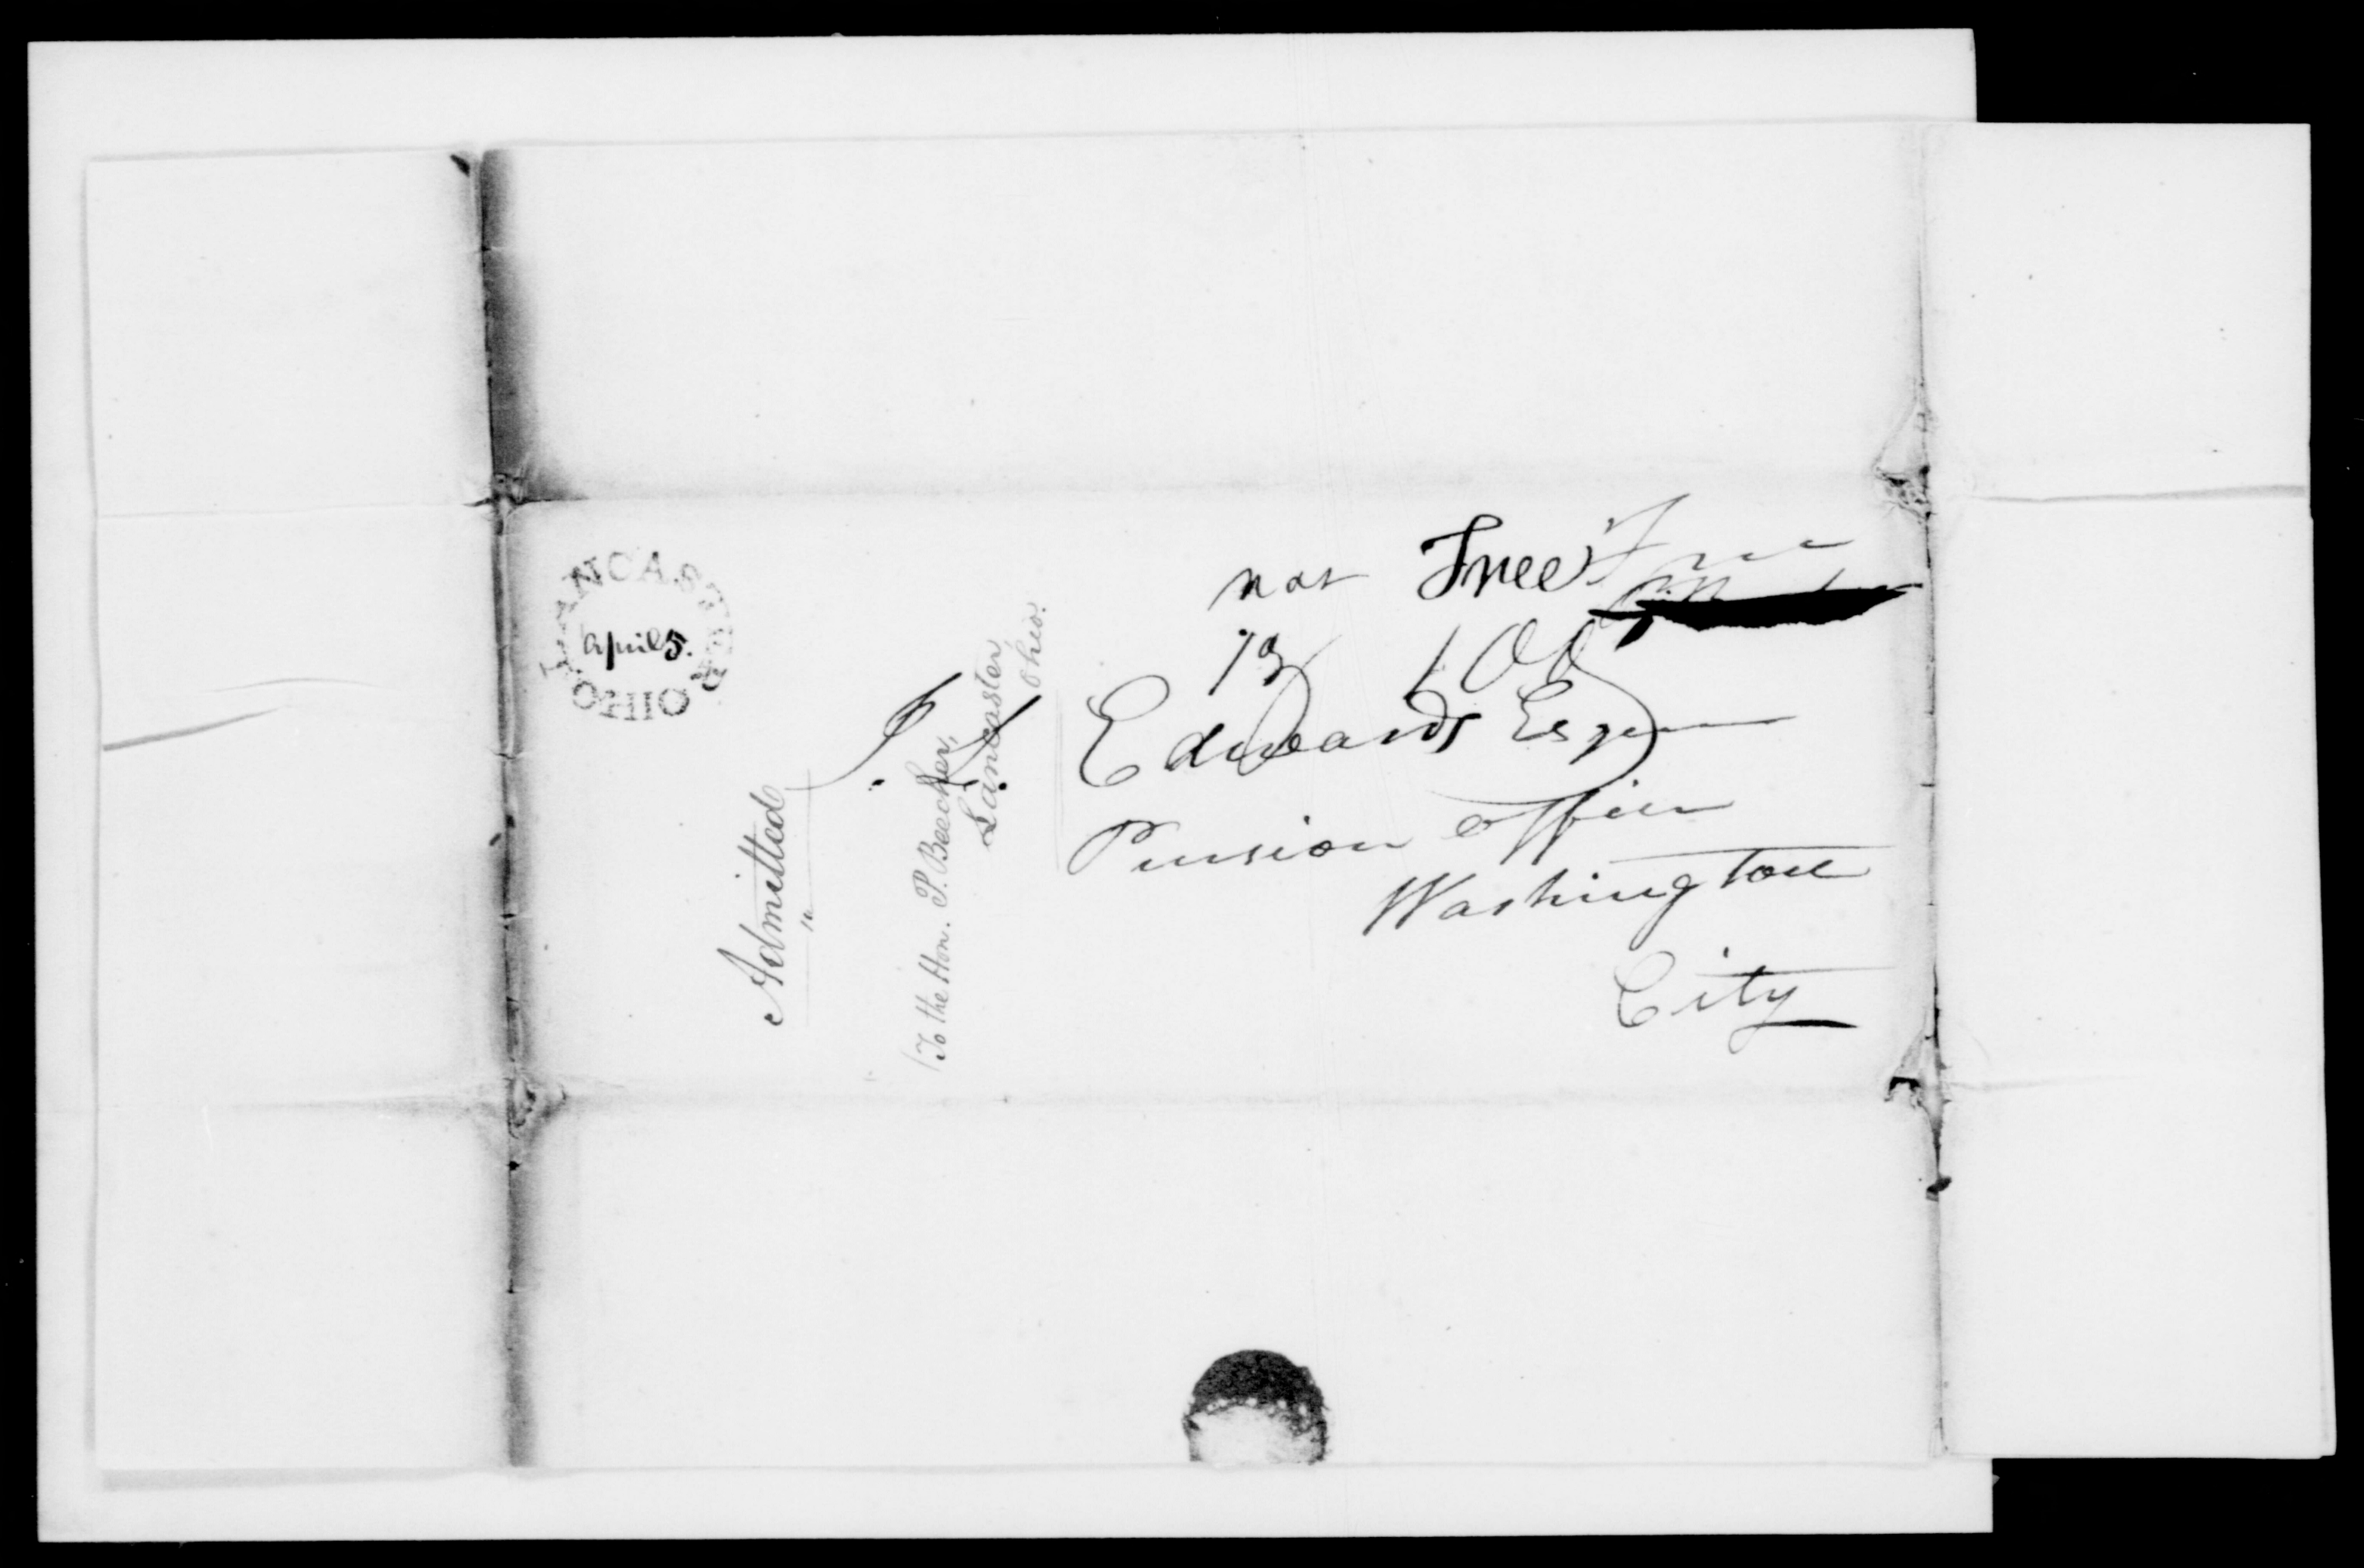nas  Free  free
1 oz
100

J. L. Edwards Esq
Pension Office
Washington City

[at right angles to address]
[date stamp]
OHIO LANCASTER
April 5.
[end stamp]

Admitted 
To the Hon. P. Beecher
Lancaster Ohio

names: P Beecher, J L Edwards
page: 19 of 29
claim: survivor's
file: S. 40642, James Waters, Continental (Md)